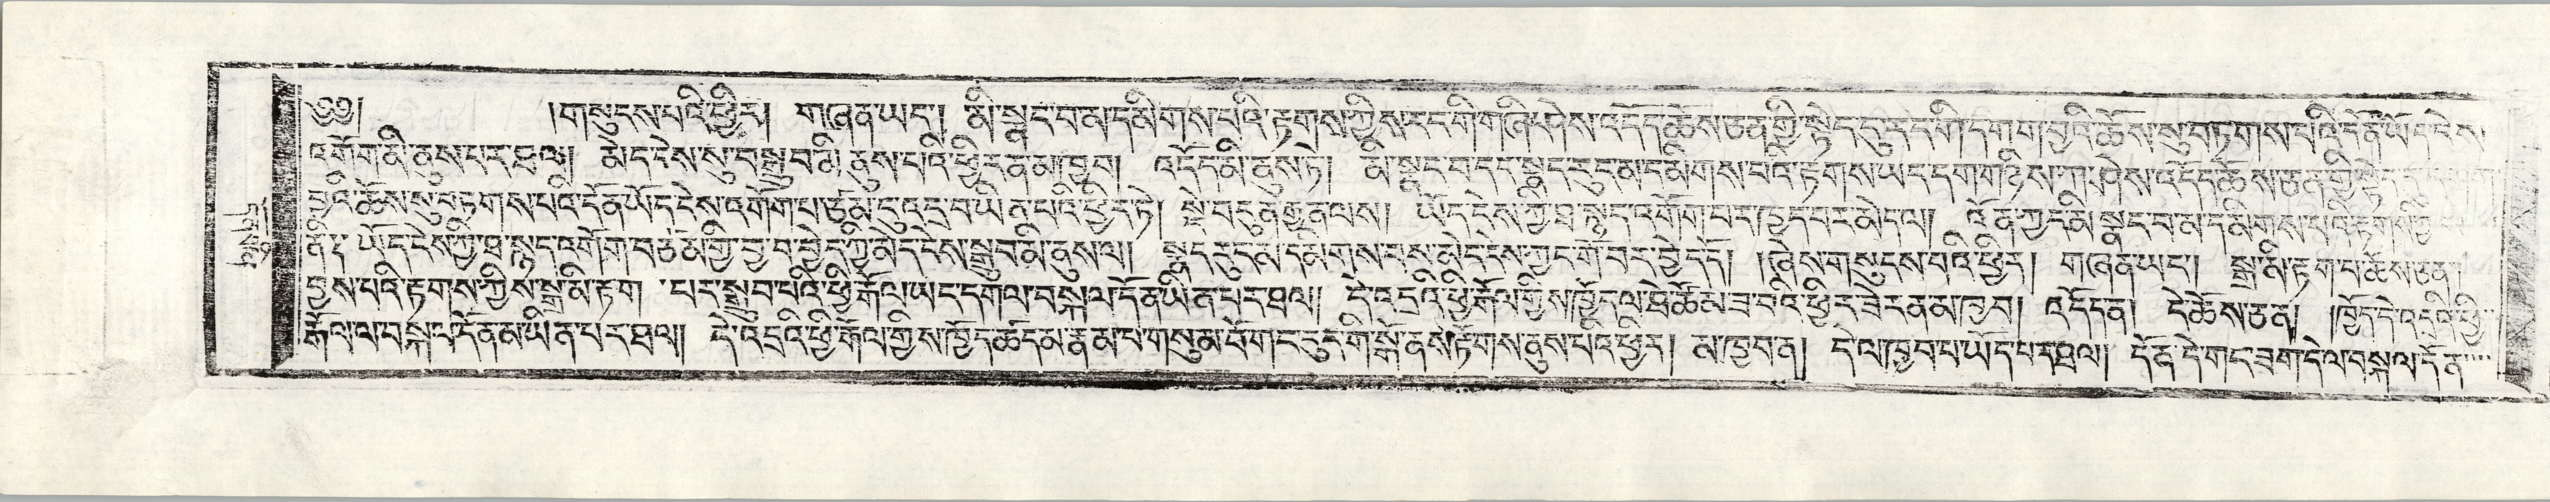༄༅། །གསུངས་པའི་ཕྱིར། གཞན་ཡང་། མི་སྣང་བ་མ་དམིགས་པའི་རྟགས་ཀྱིས་རང་གི་གཞི་ཤེས་འདོད་ཆོས་ཅན་གྱི་སྟེང་དུ་རང་གི་དགག་བྱའི་ཆོས་སུ་བཏགས་པའི་དོན་ཡོད་ངེས་སུ་
འགོག་མི་ནུས་པར་ཐལ། མེད་ངེས་སུ་སྒྲུབ་མི་ནུས་པའི་ཕྱིར་ན་མ་ཁྱབ། འདོད་མི་ནུས་ཏེ། མི་སྣང་བ་དང་སྣང་རུང་མ་དམིགས་པའི་རྟགས་ཡང་དག་གཉིས་ཀ་ཤེས་འདོད་ཆོས་ཅན་གྱི་སྟེང་དུ་དགག་
བྱའི་ཆོས་སུ་བཏགས་པའི་དོན་ཡོད་ངེས་འགོག་པ་ཙམ་དུ་འདྲ་བ་ཡིན་པའི་ཕྱིར་ཏེ། སྡེ་བདུན་རྒྱན་ལས། ཡོད་ངེས་ཀྱི་ཐ་སྙད་འགོག་པར་ཁྱད་པར་མེད་ལ། འོན་ཀྱང་མི་སྣང་བ་མ་དམིགས་པའི་རྟགས་ཀྱིས་
ནི། ཡོད་ངེས་ཀྱི་ཐ་སྙད་འགོག་པ་ཙམ་གྱི་བྱ་བ་བྱེད་ཀྱི་མེད་ངེས་སྒྲུབ་མི་ནུས་ལ། སྣང་རུང་མ་དམིགས་པས་མེད་ངེས་ཀྱང་གོ་བར་བྱེད་དོ། །ཞེས་གསུངས་པའི་ཕྱིར། གཞན་ཡང་། སྒྲ་མི་རྟག་པ་ཆོས་ཅན༑
བྱས་པའི་རྟགས་ཀྱིས་སྒྲ་མི་རྟག་པར་སྒྲུབ་པའི་ཕྱི་རྒོལ་ཡང་དག་ལ་བསྐལ་དོན་ཡིན་པར་ཐལ། དེ་འདྲའི་ཕྱི་རྒོལ་གྱིས་ཁྱོད་ལ་ཐེ་ཚོམ་ཟ་བའི་ཕྱིར་ཟེར་ན་མ་ཁྱབ། འདོད་ན། དེ་ཆོས་ཅན། ཁྱོད་དེ་འདྲའི་ཕྱི་
རྒོལ་ལ་བསྐལ་དོན་མ་ཡིན་པར་ཐལ། དེ་འདྲའི་ཕྱི་རྒོལ་གྱིས་ཁྱོད་ཚད་མ་རྣམ་པ་གསུམ་པོ་གང་རུང་གི་སྒོ་ནས་རྟོགས་ནུས་པའི་ཕྱིར། མ་ཁྱབ་ན། དེ་ལ་ཁྱབ་པ་ཡོད་པར་ཐལ། དོན་དེ་གང་ཟག་དེ་ལ་བསྐལ་དོན་